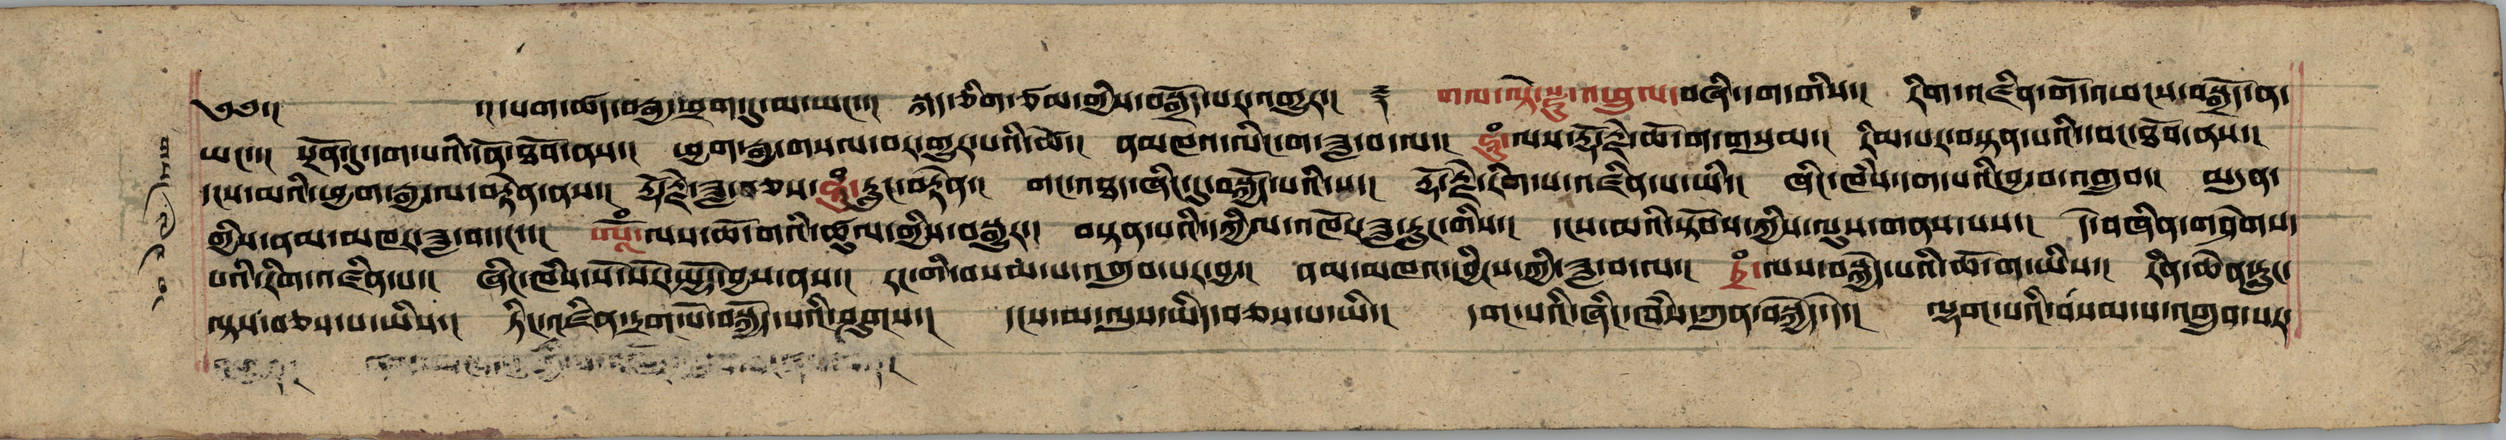༄༅་། ་།དཔག་ཚད་བརྒྱ་ཕྲག་དུ་མ་ཡང་་། སྐད་ཅིག་ཙམ་གྱིས་བསྒྲོད་པར་འགྱུར་། ࿑ གལ་ལྟེ་སྫུ་འཕྲུལ་བཞི་དག་གིས་། རིག་འཛིན་གོ་འཕངས་བསྒྲོད་ན་
ཡང་་། སྔོན་དུ་དག་པའི་དོན་ཐོབ་ནས་། ཕྱག་རྒྱ་གསལ་བར་གྱུར་པའི་ཚེ་། ནམཁའ་ལིང་ག་ཟླ་བ་ལ་། ཧཱུཾ་ལས་རྡོ་རྗེ་ཆོ་ག་གསུམ་། རིམ་པར་བསྟན་པའི་དབང་ཐོབ་ནས་།
དངས་མའི་ཕྱག་རྒྱ་ལ་བརྟེན་ནས་། རྡོ་རྗེ་ཟླ་བཅས་ཧཱུཾ་རླུང་བརྟེན་། གང་འཐད་ཞིང་དུ་བསྐྱོད་པའི་ས་། རྡོ་རྗེ་རིག་པ་འཛིན་པ་ཡི་། ཞིང་ཁཾས་དག་པའི་བྱ་བ་འགྲུབ་། མདུན་
གྱིས་ནམ་མཁར་ཟླ་བ་དང་་། ཨཱོཾ་ལས་ཆོ་གའི་ཚུལ་གྱིས་བསྒྱུར་། བསྟན་པའི་དཀྱིལ་འཁོར་ཟླ་རླུང་གིས་། དངས་མའི་སྟོབས་ཀྱིས་ལུས་གནས་པས་། དེ་བཞིན་གཤེགས་
པའི་རིག་འཛིན་པ་། ཞིང་ཁཾས་སོ་སོར་སྤྱོད་བྱས་ནས་། རང་གི་བསམ་པ་འགྲུབ་པར་བྱ་། ནམ་མཁའ་དབྱིངས་ཀྱི་ཟླ་བ་ལ་། ཏྲཾ་ལས་བསྐྱེད་པའི་ཆོ་ག་ཡིས་། རིན་ཆེན་རླུང་
ལྟས་བཅས་པ་ཡིས་། ཏིང་འཛིན་དྲག་པོ་བསྐྱོད་པའི་ཤུགས་། དངས་མ་ལུས་ཡིད་བཅས་པ་ཡི་། དག་པའི་ཞིང་ཁཾས་ཀུན་བསྐྱེད་དེ་། ལྷག་པའི་བསམ་པ་འགྲུབ་པར་